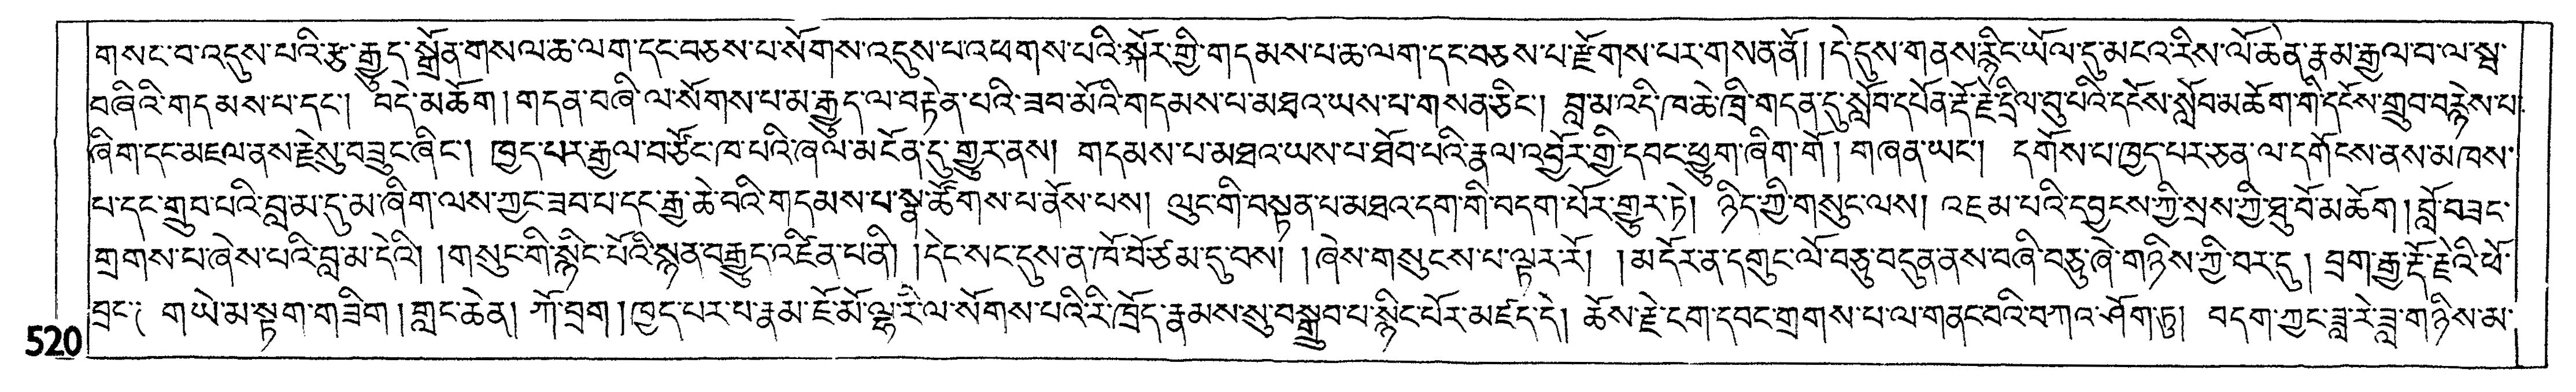གསང་བ་འདུས་པའི་རྩ་རྒྱུད་སྒྲོན་གསལ་ཆ་ལག་དང་བཅས་པ་སོགས་འདུས་པ་འཕགས་པའི་སྐོར་གྱི་གདམས་པ་ཆ་ལག་དང་བཅས་པ་རྫོགས་པར་གསན་ནོ། །དེ་དུས་གནས་རྙིང་ཡོལ་དུ་མངའ་རིས་ལོ་ཆེན་རྣམ་རྒྱལ་བ་ལ་སྦ་
བཞིའི་གདམས་པ་དང་། བདེ་མཆོག །གདན་བཞི་ལ་སོགས་པ་མ་རྒྱུད་ལ་བརྟེན་པའི་ཟབ་མོའི་གདམས་པ་མཐའ་ཡས་པ་གསན་ཅིང་། བླ་མ་འདི་ཁ་ཆེ་ཁྲི་གདན་དུ་སློབ་དཔོན་རྡོ་རྗེ་དྲིལ་བུ་པའི་དངོས་སློབ་མཆོག་གི་དངོས་གྲུབ་བརྙེས་པ་
ཞིག་དང་མཇལ་ནས་རྗེས་སུ་བཟུང་ཞིང་། ཁྱད་པར་རྒྱལ་བ་ཙོང་ཁ་པའི་ཞལ་མངོན་དུ་གྱུར་ནས། གདམས་པ་མཐའ་ཡས་པ་ཐོབ་པའི་རྣལ་འབྱོར་གྱི་དབང་ཕྱུག་ཞིག་གོ །གཞན་ཡང་། དགོས་པ་ཁྱད་པར་ཅན་ལ་དགོངས་ནས་མཁས་
པ་དང་གྲུབ་པའི་བླ་མ་དུ་མ་ཞིག་ལས་ཀྱང་ཟབ་པ་དང་རྒྱ་ཆེ་བའི་གདམས་པ་སྣ་ཚོགས་པ་ནོས་པས། ལུང་གི་བསྟན་པ་མཐའ་དག་གི་བདག་པོར་གྱུར་ཏེ། ཉིད་ཀྱི་གསུང་ལས། འཇམ་པའི་དབྱངས་ཀྱི་སྲས་ཀྱི་ཐུ་བོ་མཆོག །བློ་བཟང་
གྲགས་པ་ཞེས་པའི་བླ་མ་དེའི། །གསུང་གི་སྙིང་པོའི་སྙན་བརྒྱུད་འཛིན་པ་ནི། །དེང་སང་དུས་ན་ཁོ་བོ་ཙམ་དུ་བས། །ཞེས་གསུངས་པ་ལྟར་རོ། །མདོར་ན་དགུང་ལོ་བཅུ་བདུན་ནས་བཞི་བཅུ་ཞེ་གཉིས་ཀྱི་བར་དུ། བྲག་རྒྱ་རྡོ་རྗེའི་ཕོ་
བྲང༑ གཡེ་མ་སྟག་གཟིག །གླང་ཆེན། ཀོ་བྲག །ཁྱད་པར་པ་རྣམ་ཇོ་མོ་ལྷ་རི་ལ་སོགས་པའི་རི་ཁྲོད་རྣམས་སུ་བསྒྲབ་པ་སྙིང་པོར་མཛད་དེ། ཆོས་རྗེ་ངག་དབང་གྲངས་པ་ལ་གནང་བའི་བཀའ་ཤོག་ཏུ། བདག་ཀྱང་ཟླ་རེ་ཟླ་གཉིས་མ་